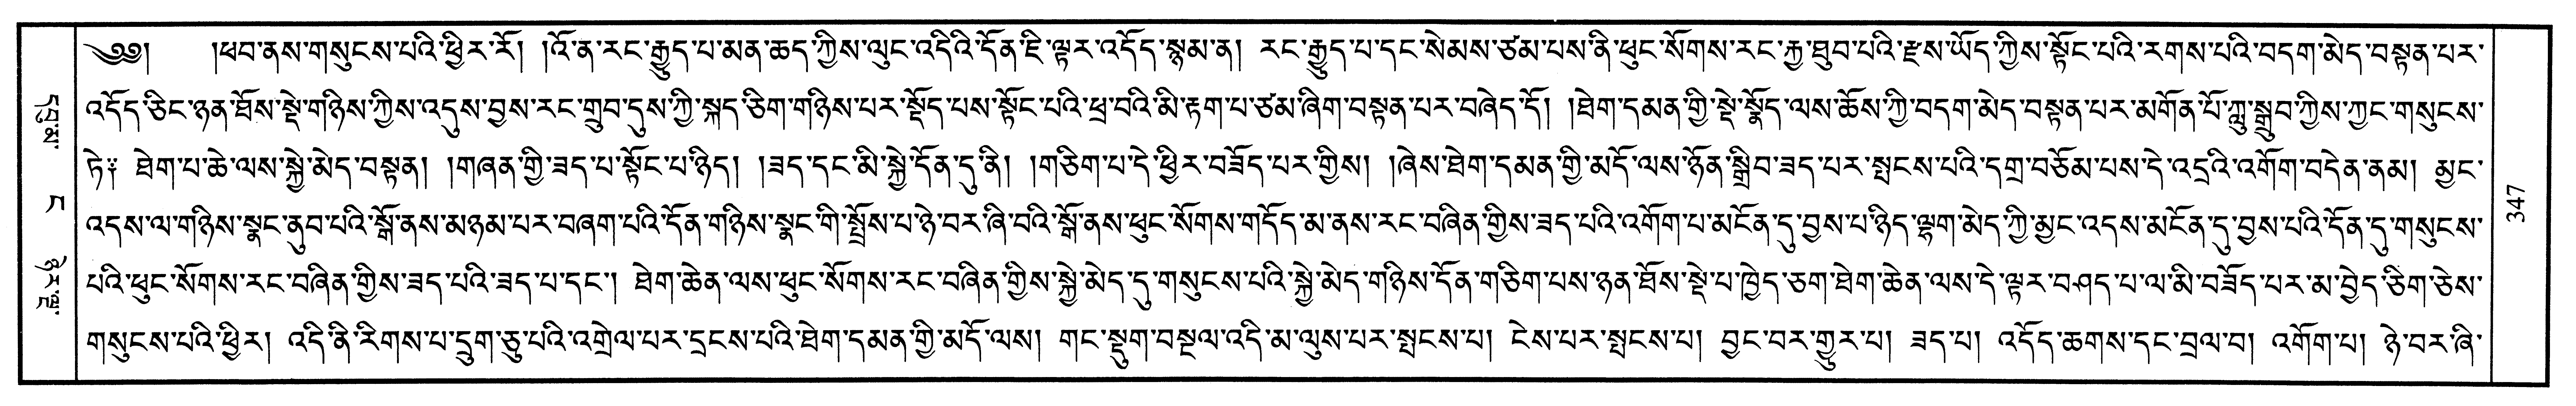༄༅། །ཕབ་ནས་གསུངས་པའི་ཕྱིར་རོ། །འོ་ན་རང་རྒྱུད་པ་མན་ཆད་ཀྱིས་ལུང་འདིའི་དོན་ཇི་ལྟར་འདོད་སྙམ་ན། རང་རྒྱུད་པ་དང་སེམས་ཙམ་པས་ནི་ཕུང་སོགས་རང་རྐྱ་ཐུབ་པའི་རྫས་ཡོད་ཀྱིས་སྟོང་པའི་རགས་པའི་བདག་མེད་བསྟན་པར་
འདོད་ཅིང་ཉན་ཐོས་སྡེ་གཉིས་ཀྱིས་འདུས་བྱས་རང་གྲུབ་དུས་ཀྱི་སྐད་ཅིག་གཉིས་པར་སྡོད་པས་སྟོང་པའི་ཕྲ་བའི་མི་རྟག་པ་ཙམ་ཞིག་བསྟན་པར་བཞེད་དོ། །ཐེག་དམན་གྱི་སྡེ་སྣོད་ལས་ཆོས་ཀྱི་བདག་མེད་བསྟན་པར་མགོན་པོ་ཀླུ་སྒྲུབ་ཀྱིས་ཀྱང་གསུངས་
ཏེ། ཐེག་པ་ཆེ་ལས་སྐྱེ་མེད་བསྟན། །གཞན་གྱི་ཟད་པ་སྟོང་པ་ཉིད། །ཟད་དང་མི་སྐྱེ་དོན་དུ་ནི། །གཅིག་པ་དེ་ཕྱིར་བཟོད་པར་གྱིས། །ཞེས་ཐེག་དམན་གྱི་མདོ་ལས་ཉོན་སྒྲིབ་ཟད་པར་སྤངས་པའི་དགྲ་བཅོམ་པས་དེ་འདྲའི་འགོག་བདེན་ནམ། མྱང་
འདས་ལ་གཉིས་སྣང་ནུབ་པའི་སྒོ་ནས་མཉམ་པར་བཞག་པའི་དོན་གཉིས་སྣང་གི་སྤྲོས་པ་ཉེ་བར་ཞི་བའི་སྒོ་ནས་ཕུང་སོགས་གདོད་མ་ནས་རང་བཞིན་གྱིས་ཟད་པའི་འགོག་པ་མངོན་དུ་བྱས་པ་ཉིད་ལྷག་མེད་ཀྱི་མྱང་འདས་མངོན་དུ་བྱས་པའི་དོན་དུ་གསུངས་
པའི་ཕུང་སོགས་རང་བཞིན་གྱིས་ཟད་པའི་ཟད་པ་དང་། ཐེག་ཆེན་ལས་ཕུང་སོགས་རང་བཞིན་གྱིས་སྐྱེ་མེད་དུ་གསུངས་པའི་སྐྱེ་མེད་གཉིས་དོན་གཅིག་པས་ཉན་ཐོས་སྡེ་པ་ཁྱེད་ཅག་ཐེག་ཆེན་ལས་དེ་ལྟར་བཤད་པ་ལ་མི་བཟོད་པར་མ་བྱེད་ཅིག་ཅེས་
གསུངས་པའི་ཕྱིར། འདི་ནི་རིགས་པ་དྲུག་ཅུ་པའི་འགྲེལ་པར་དྲངས་པའི་ཐེག་དམན་གྱི་མདོ་ལས། གང་སྡུག་བསྔལ་འདི་མ་ལུས་པར་སྤངས་པ། ངེས་པར་སྤངས་པ། བྱང་བར་གྱུར་པ། ཟད་པ། འདོད་ཆགས་དང་བྲལ་བ། འགོག་པ། ཉེ་བར་ཞི་